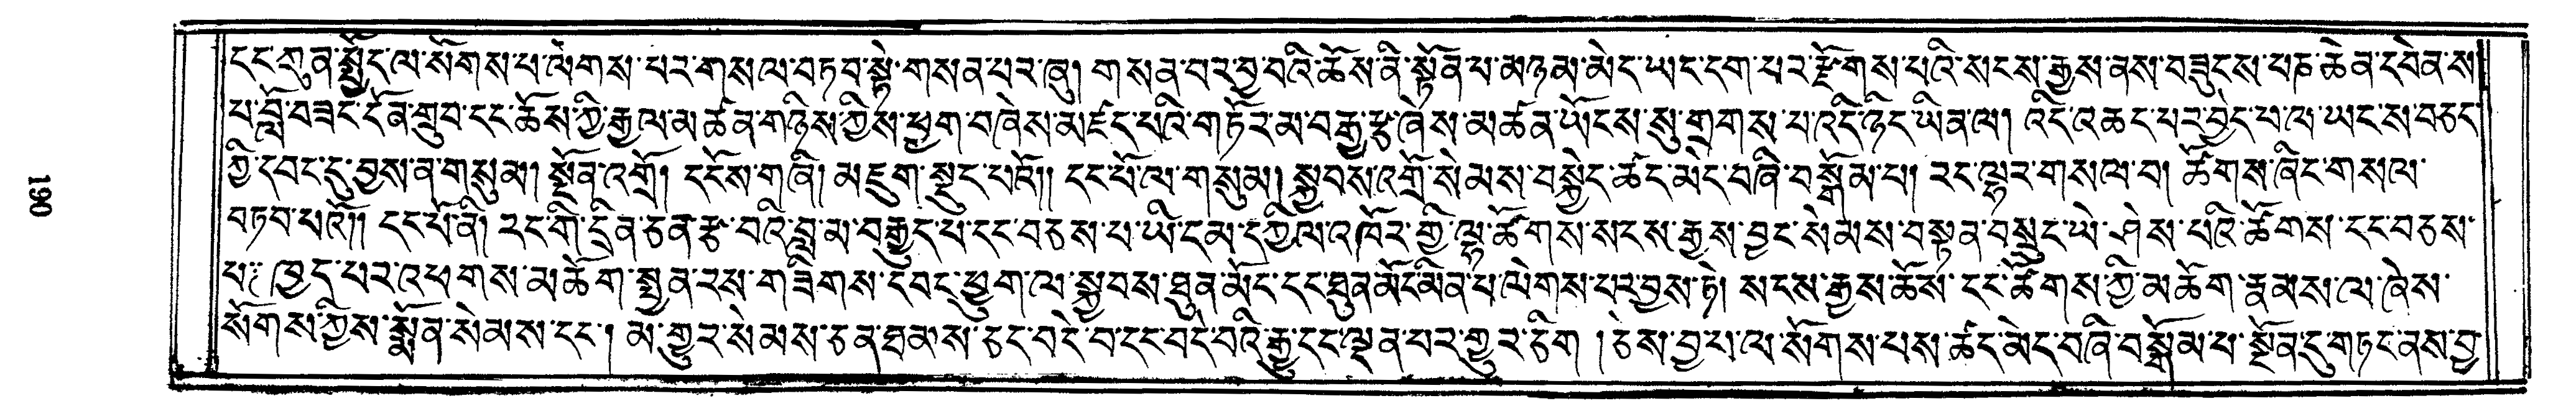དང་ཀུན་སྤྱོད་ལ་སོགས་པ་ལེགས་པར་གསལ་བཏབ་སྟེ་གསན་པར་ཞུ། གསན་པར་བྱ་བའི་ཆོས་ནི་སྟོན་པ་མཉམ་མེད་ཡང་དག་པར་རྫོགས་པའི་སངས་རྒྱས་ནས་བཟུངས་པཎ་ཆེན་དབེན་ས་
པ་བློ་བཟང་དོན་གྲུབ་དང་ཆོས་ཀྱི་རྒྱལ་མཚན་གཉིས་ཀྱིས་ཕྱག་བཞེས་མཛད་པའི་གཏོར་མ་བརྒྱ་རྩ་ཞེས་མཚན་ཡོངས་སུ་གྲགས་པ་འདི་ཉིད་ཡིན་ལ། འདི་འཆད་པར་བྱེད་པ་ལ་ཡང་ས་བཅད་
ཀྱི་དབང་དུ་བྱས་ན་གསུམ། སྔོན་འགྲོ། དངོས་གཞི། མཇུག་སྡུད་པའོ། །དང་པོ་ལ་གསུམ། སྐྱབས་འགྲོ་སེམས་བསྐྱེད་ཚད་མེད་བཞི་བསྒོམ་པ། རང་ལྷར་གསལ་བ། ཚོགས་ཞིང་གསལ་
བཏབ་པའོ། །དང་པོ་ནི། རང་གི་དྲིན་ཅན་རྩ་བའི་བླ་མ་བརྒྱུད་པ་དང་བཅས་པ་ཡི་དམ་དཀྱིལ་འཁོར་གྱི་ལྷ་ཚོགས་སངས་རྒྱས་བྱང་སེམས་བསྟན་བསྲུང་ཡེ་ཤེས་པའི་ཆོགས་དང་བཅས་
པ༑ ཁྱད་པར་འཕགས་མཆོག་སྤྱན་རས་གཟིགས་དབང་ཕྱུག་ལ་སྐྱབས་ཐུན་མོང་དང་ཐུན་མོང་མིན་པ་ལེགས་པར་བྱས་ཏེ། སངས་རྒྱས་ཆོས་དང་ཚོགས་ཀྱི་མཆོག་རྣམས་ལ་ཞེས་
སོགས་ཀྱིས་སྨོན་སེམས་དང་། མ་གྱུར་སེམས་ཅན་ཐམས་ཅད་བདེ་བ་དང་བདེ་བའི་རྒྱུ་དང་ལྡན་པར་གྱུར་ཅིག །ཅེས་བྱ་བ་ལ་སོགས་པས་ཚད་མེད་བཞི་བསྒོམ་པ་སྔོན་དུ་བཏང་ནས་བྱ་